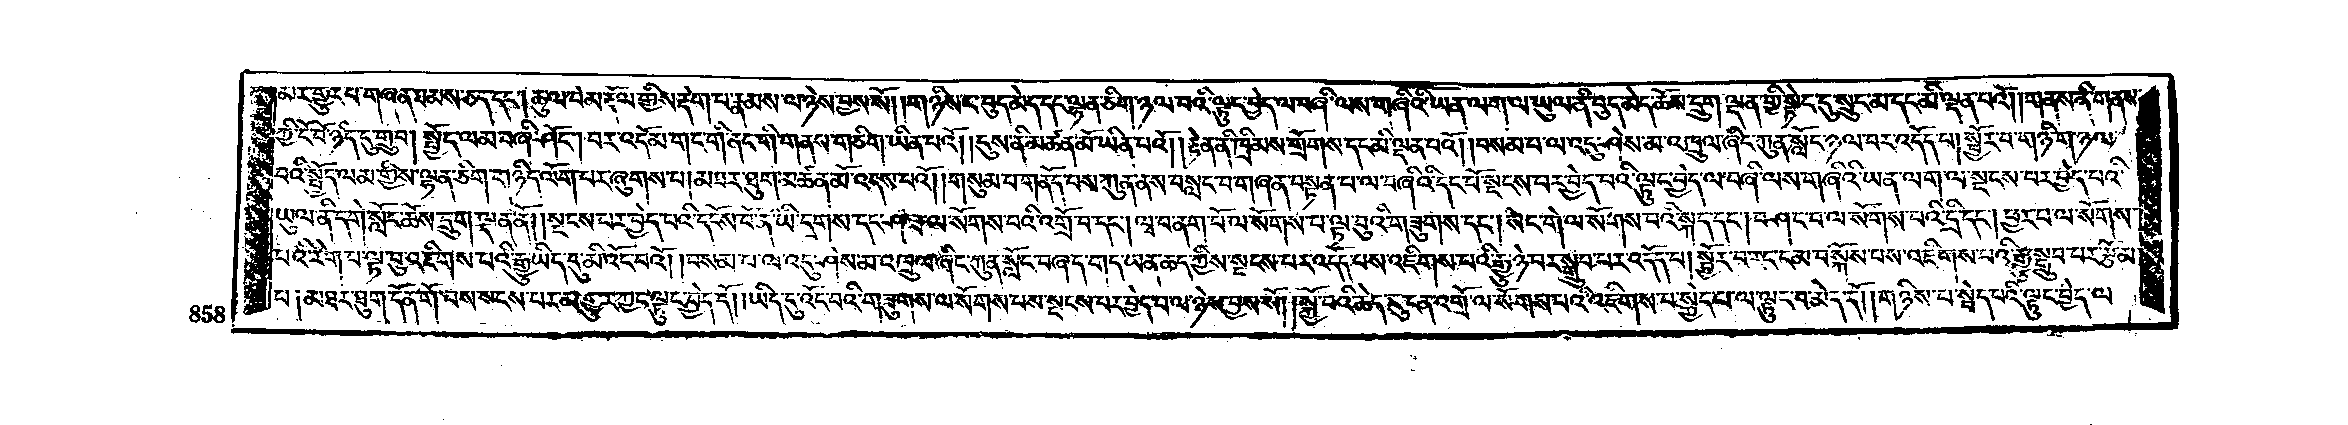མར་གྱུར་བ་གཞན་ཐམས་ཅད་དང་། ཆུ་ལ་བེམ་རྡོལ་གྱིས་རྡེག་པ་རྣམས་ལ་ཉེས་བྱས་སོ། །གཉིས་པ་བུད་མེད་དང་ལྷན་ཅིག་ཉལ་བའི་ལྟུང་བྱེད་ལ་བཞི་ལས་གཞིའི་ཡན་ལག་ལ་ཡུལ་ནི་བུད་མེད་ཆོས་དྲུག་ལྡན་གྱི་སྟེང་དུ་སྲུང་མ་དང་མི་ལྡན་པའོ། །གནས་ནི་གནས་
ཀྱི་ངོ་བོ་ཉིད་དུ་གྲུབ། སྤྱོད་ལམ་བཞི་ཤོང་། བར་འདོམ་གང་གི་ནང་གི་གནས་གཅིག་ཡིན་པའོ། །དུས་ནི་མཚན་མོ་ཡིན་པའོ། །རྟེན་ནི་ཁྲིམས་གྲོགས་དང་མི་ལྡན་པའོ། །བསམ་པ་ལ་འདུ་ཤེས་མ་འཁྲུལ་ཞིང་ཀུན་སློང་ཉལ་བར་འདོད་པ། སྦྱོར་བ་གཉི་ག་ཉལ་
བའི་སྤྱོད་ལམ་གྱིས་ལྷན་ཅིག་གཉིད་ལོག་པར་ཞུགས་པ། མཐར་ཐུག་མཚན་མོ་འདས་པའོ། །གསུམ་པ་གནོད་པས་ཀུན་ནས་བསླང་བ་གཞན་བསྟན་པ་ལ་བཞིའི་དང་པོ་སྔངས་བར་བྱེད་པའི་ལྟུང་བྱེད་ལ་བཞི་ལས་གཞིའི་ཡན་ལག་ལ་སྔངས་པར་བྱེད་པའི་
ཡུལ་ནི་དགེ་སློང་ཆོས་དྲུག་ལྡན་ནོ། །སྔངས་པར་བྱེད་པའི་དངོས་པོ་ནི་ཡི་དྲགས་དང་ཤ་ཟ་ལ་སོགས་པའི་འགྲོ་བ་དང་། ལྭ་བ་ནག་པོ་ལ་སོགས་པ་ལྟ་བུའི་གཟུགས་དང་། སེང་གེ་ལ་སོགས་པའི་སྐད་དང་། བཤང་བ་ལ་སོགས་པའི་དྲི་དང་། ཕྱར་པ་ལ་སོགས་
པའི་རེག་པ་ལྟ་བུ་འཇིགས་པའི་རྒྱུ་ཡིད་དུ་མི་འོང་བའོ། །བསམ་པ་ལ་འདུ་ཤེས་མ་འཁྲུལ་ཞིང་ཀུན་སློང་བཞད་གད་ཡན་ཆད་ཀྱིས་སྔགས་པར་འདོད་པས་འཇིགས་པའི་རྒྱུ་ཉེ་བར་སྒྲུབ་པར་འདོད་པ། སྦྱོར་བ་རང་དམ་བསྐོས་པས་འཇིགས་པའི་རྒྱུ་སྒྲུབ་པར་རྩོམ་
པ། མཐར་ཐུག་དོན་གོ་བས་སངས་པར་མ་གྱུར་ཀྱང་ལྟུང་བྱེད་དོ། །ཡིད་དུ་འོང་བའི་གཟུགས་ལ་སོགས་པས་སྔགས་པར་བྱེད་པལ་ཉེས་ནྦྱས་སོ། །སྐྱོ་བའི་ཆེད་དུ་ངན་འགྲོ་ལ་སོགས་པའི་འཇིགས་པ་སྐྱེད་པ་ལ་ལྟུང་བ་མེད་དོ། །གཉིས་པ་སྦེད་པའི་ལྟུང་བྱེད་ལ་